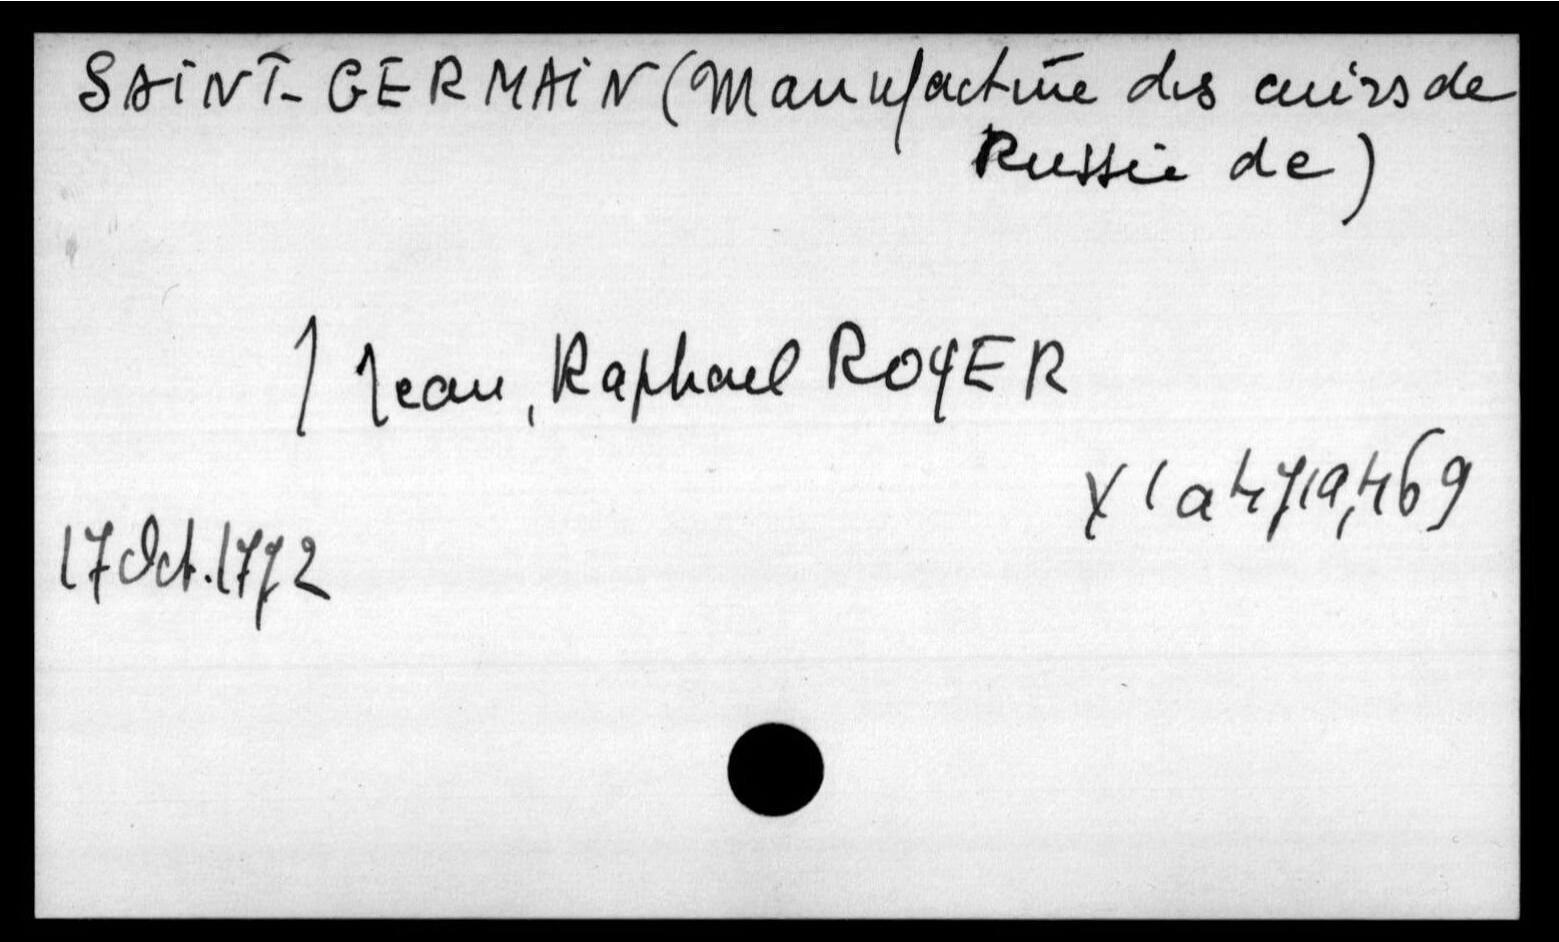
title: SAINT-GERMAIN (Manufacture des cuirs de Russie de)
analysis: Contre Jean, Raphaël ROYER
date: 17 octobre 1772
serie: X1a
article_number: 4719
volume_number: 469
